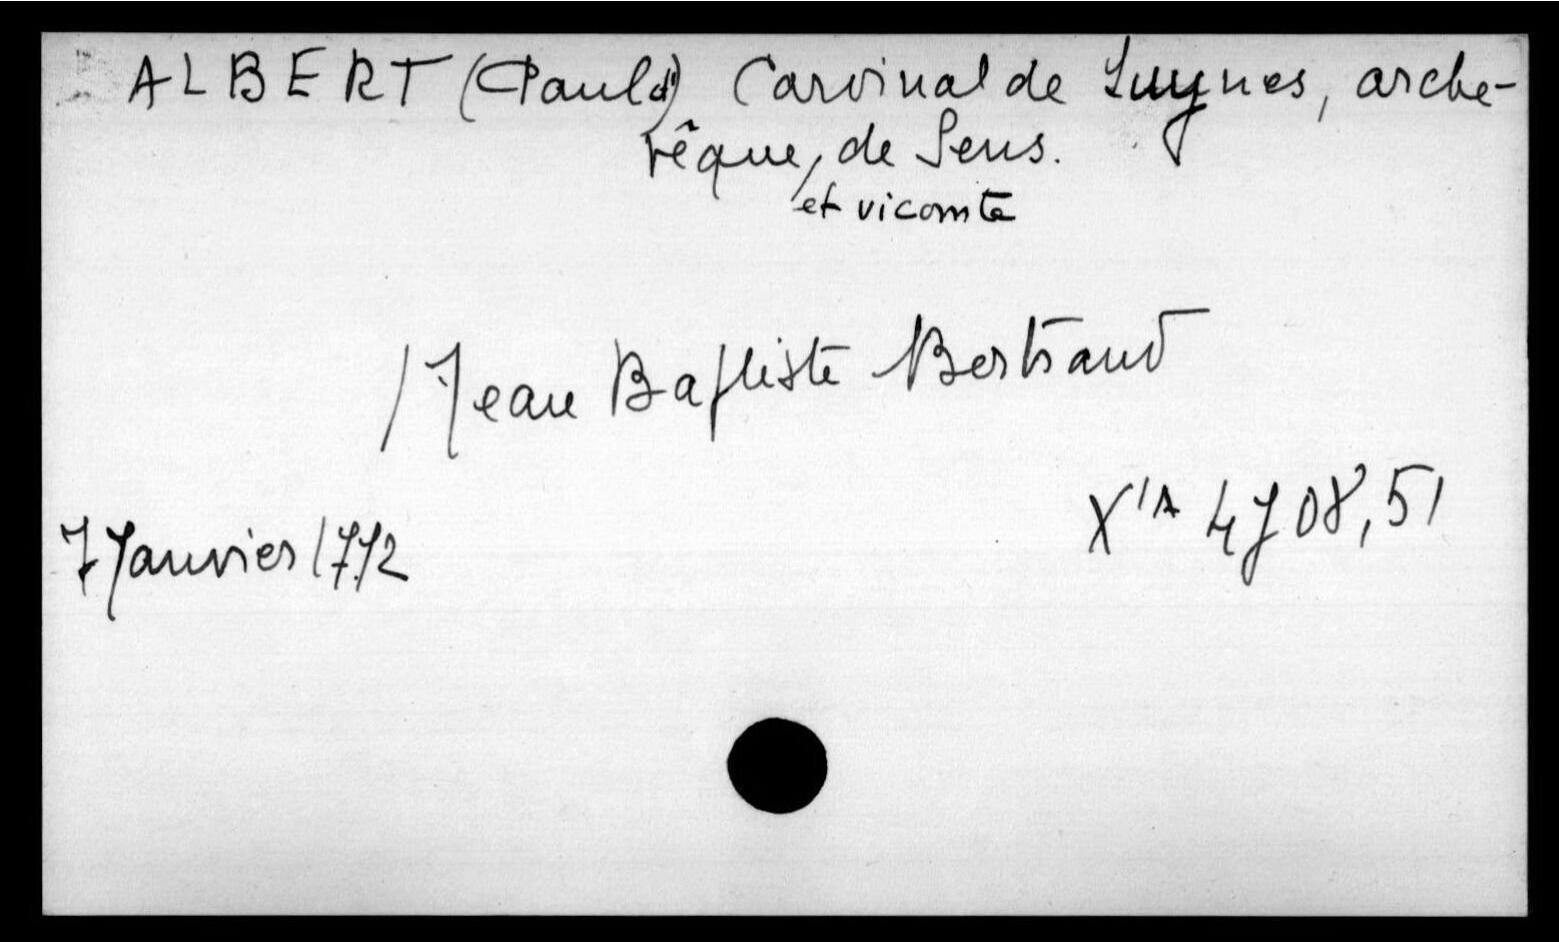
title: ALBERT (Paul d') Cardinal de Luynes, archevêque et vicomte de Sens
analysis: Contre Jean Baptiste Bertand
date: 7 janvier 1772
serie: X1A
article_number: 4708
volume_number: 51
